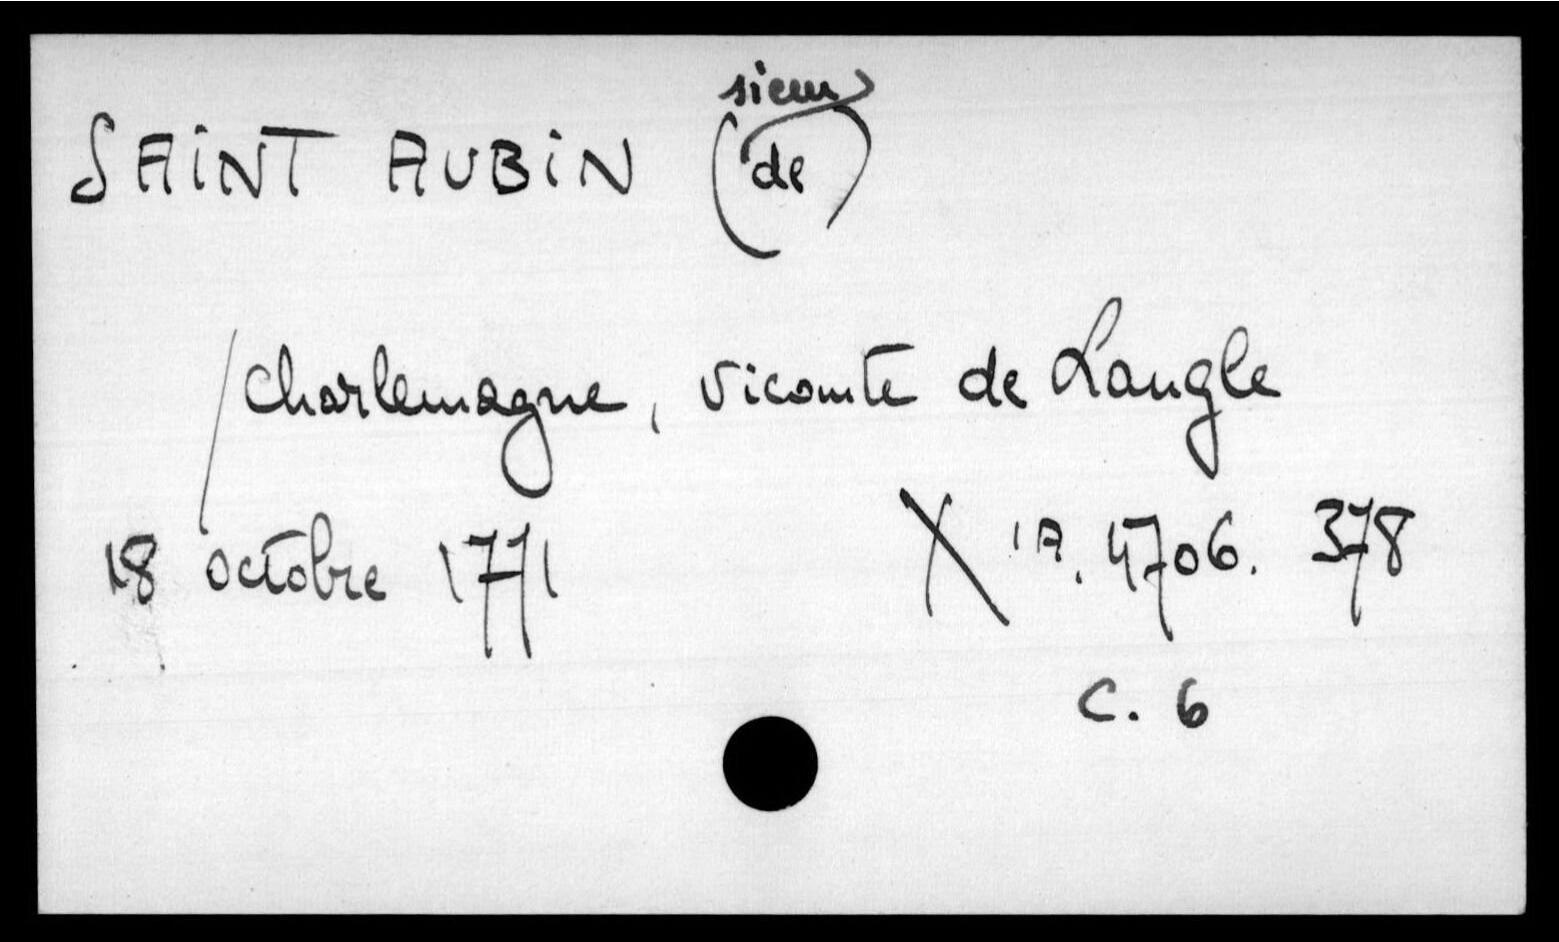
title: SAINT AUBIN (sieur de)
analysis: Contre Charlemagne, Vicomte de Langle
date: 18 octobre 1771
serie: X1A
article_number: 4706
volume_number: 378 Conseil, 6
